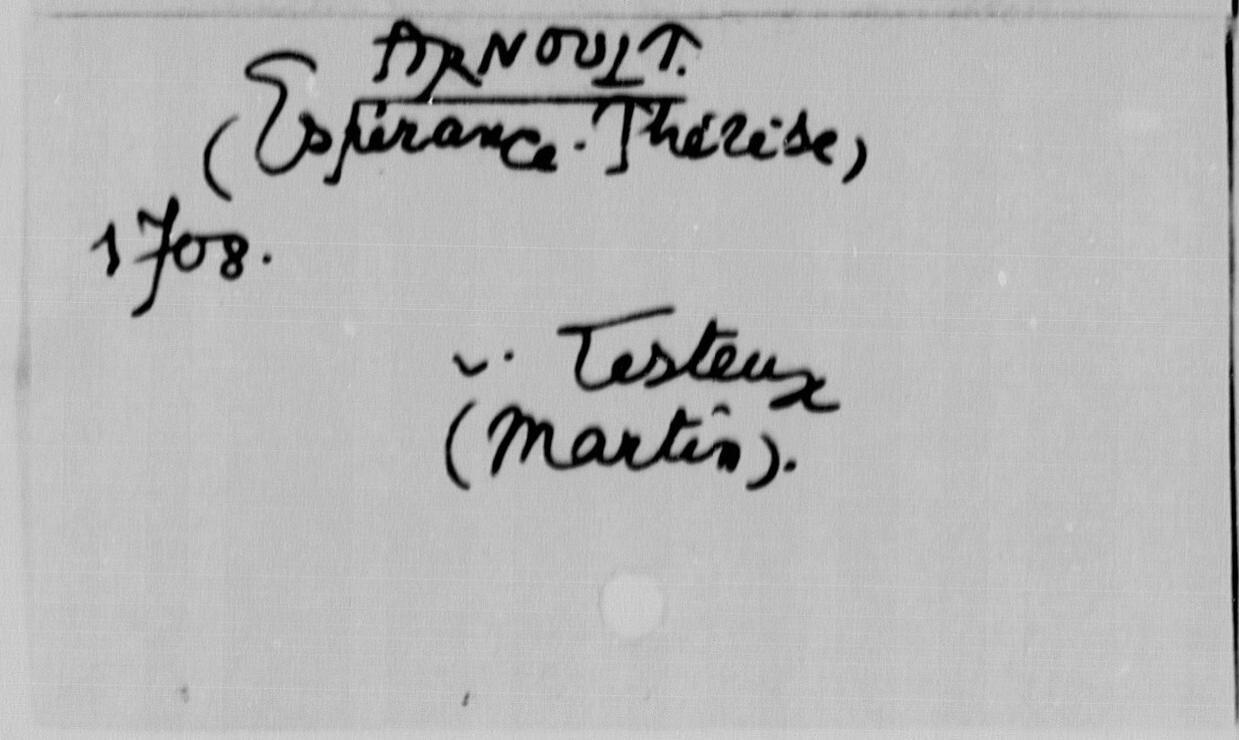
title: ARNOULT (Espérance-Thérèse)
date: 1708
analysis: Voir LESTEUX (Martin)
